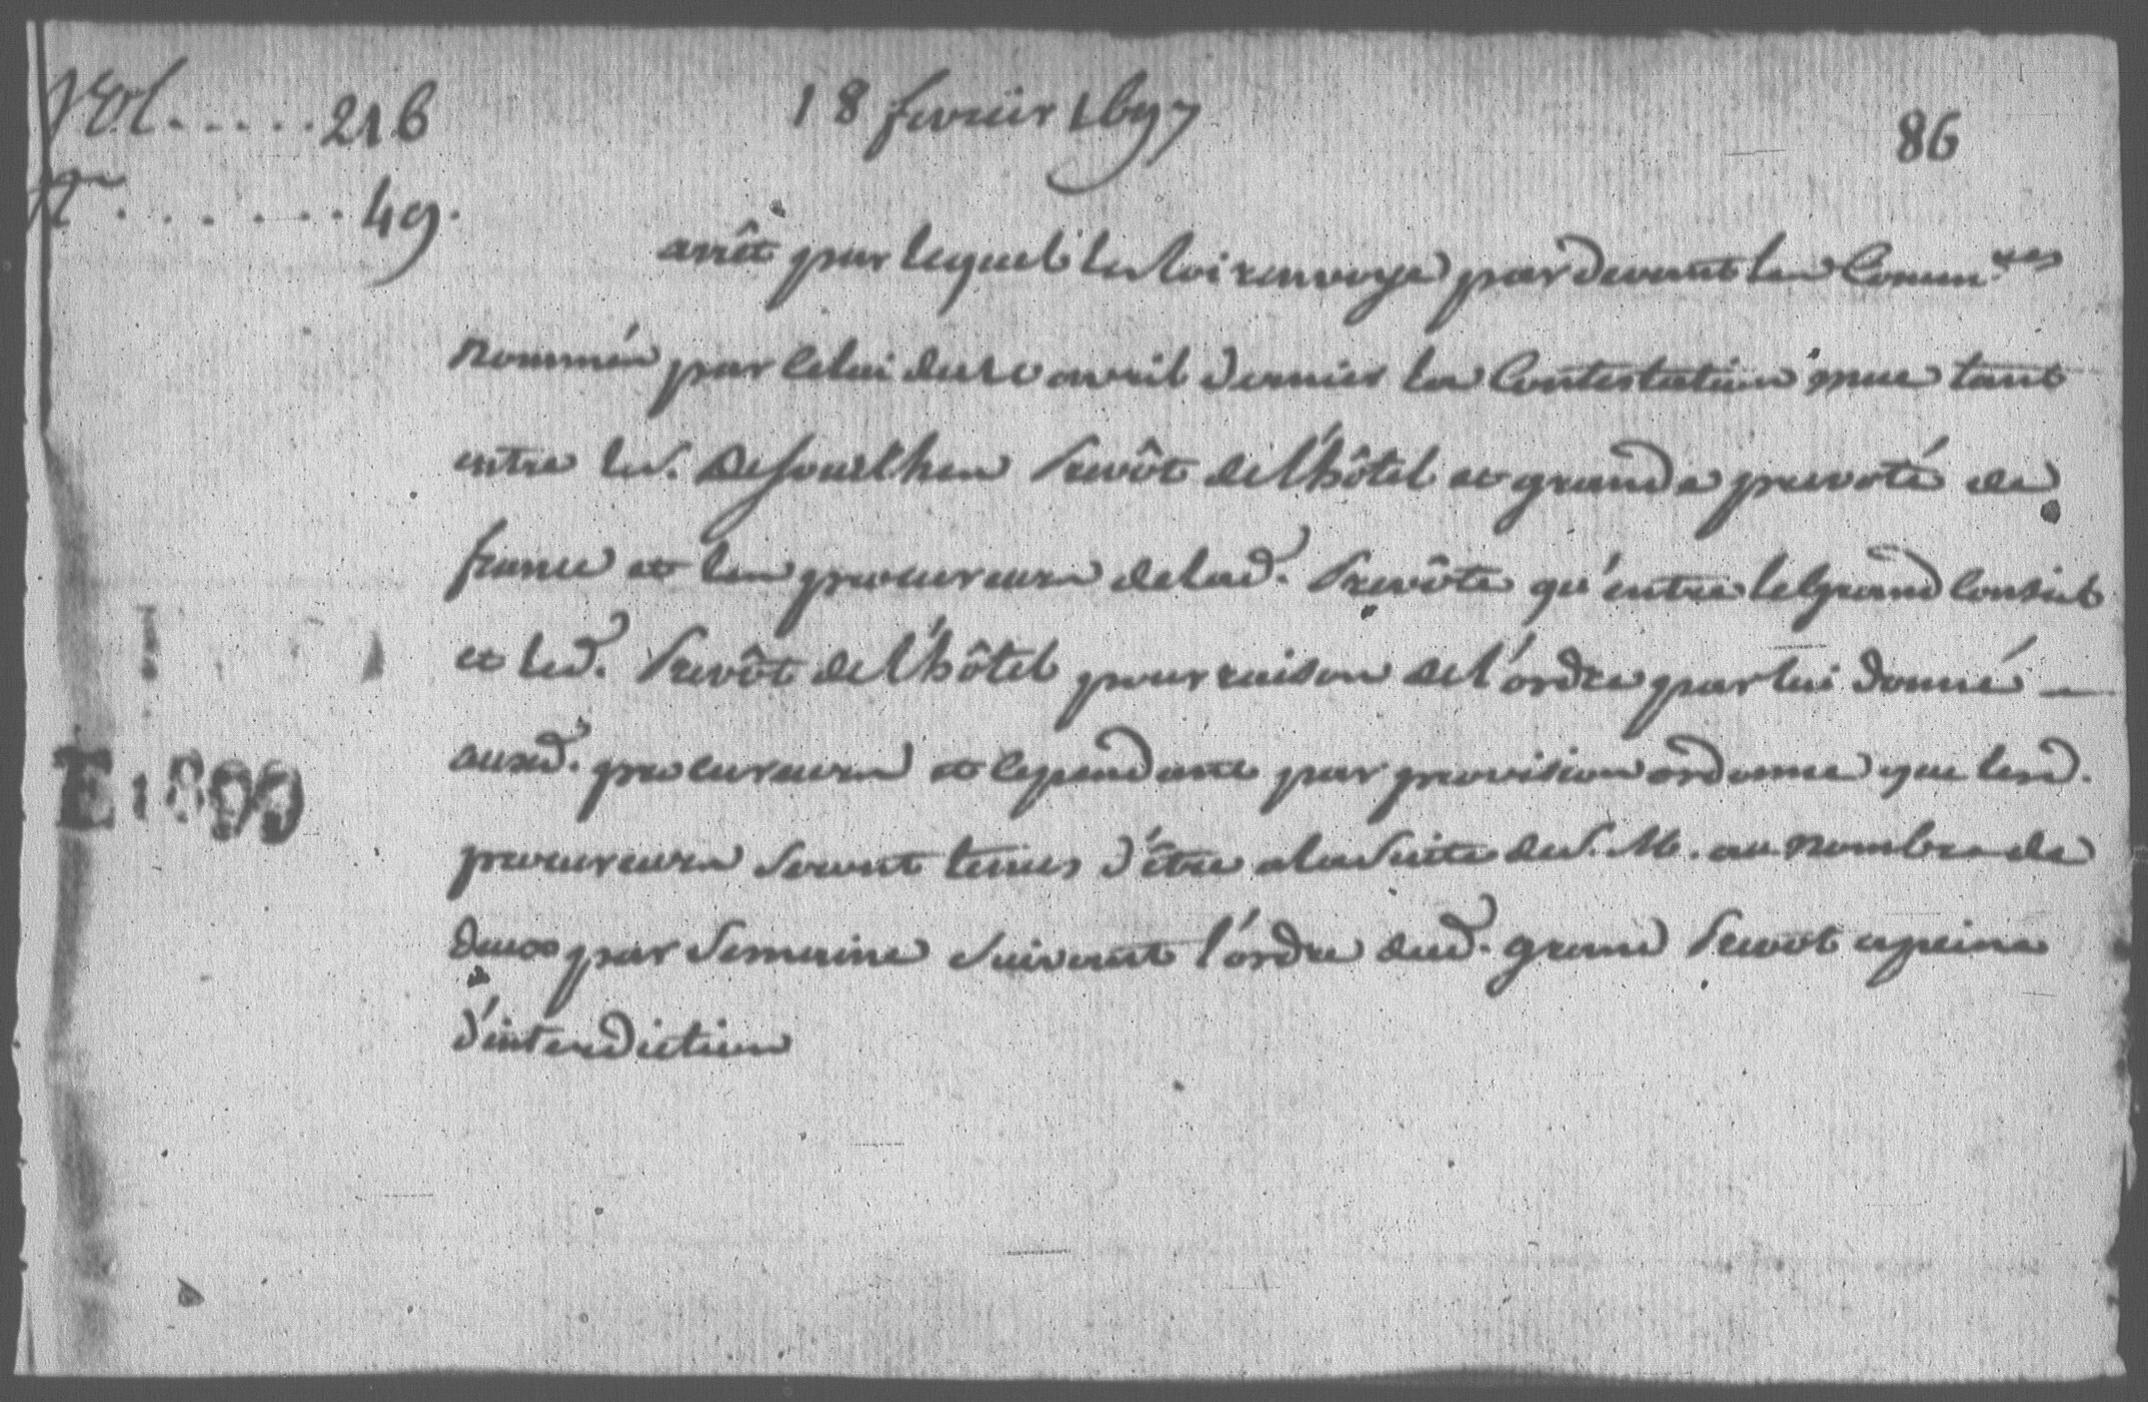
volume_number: n°49
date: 18 février 1697
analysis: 86
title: arrêt par lequel le Roi renvoye par devant les Comm.res nommés par celui du 10 avril dernier la Contestation mue tant entre le S. Desourches Prevôt de l'hôtel et grande prevôté de france et les procureurs de lad. Prevôte qu'entre le Grand conseil et led. Prevôt de l'hôtel pour raison de l'ordre par lui donné auxd. procureurs et cependant par provision ordonne que lesd. procureurs seront tenus d'être a la suite de S. M. au nombre de deux par semaine suivant l'ordre dud. grand Prevot a peine d'interdiction
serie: E
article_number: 1899
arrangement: vol. 216
